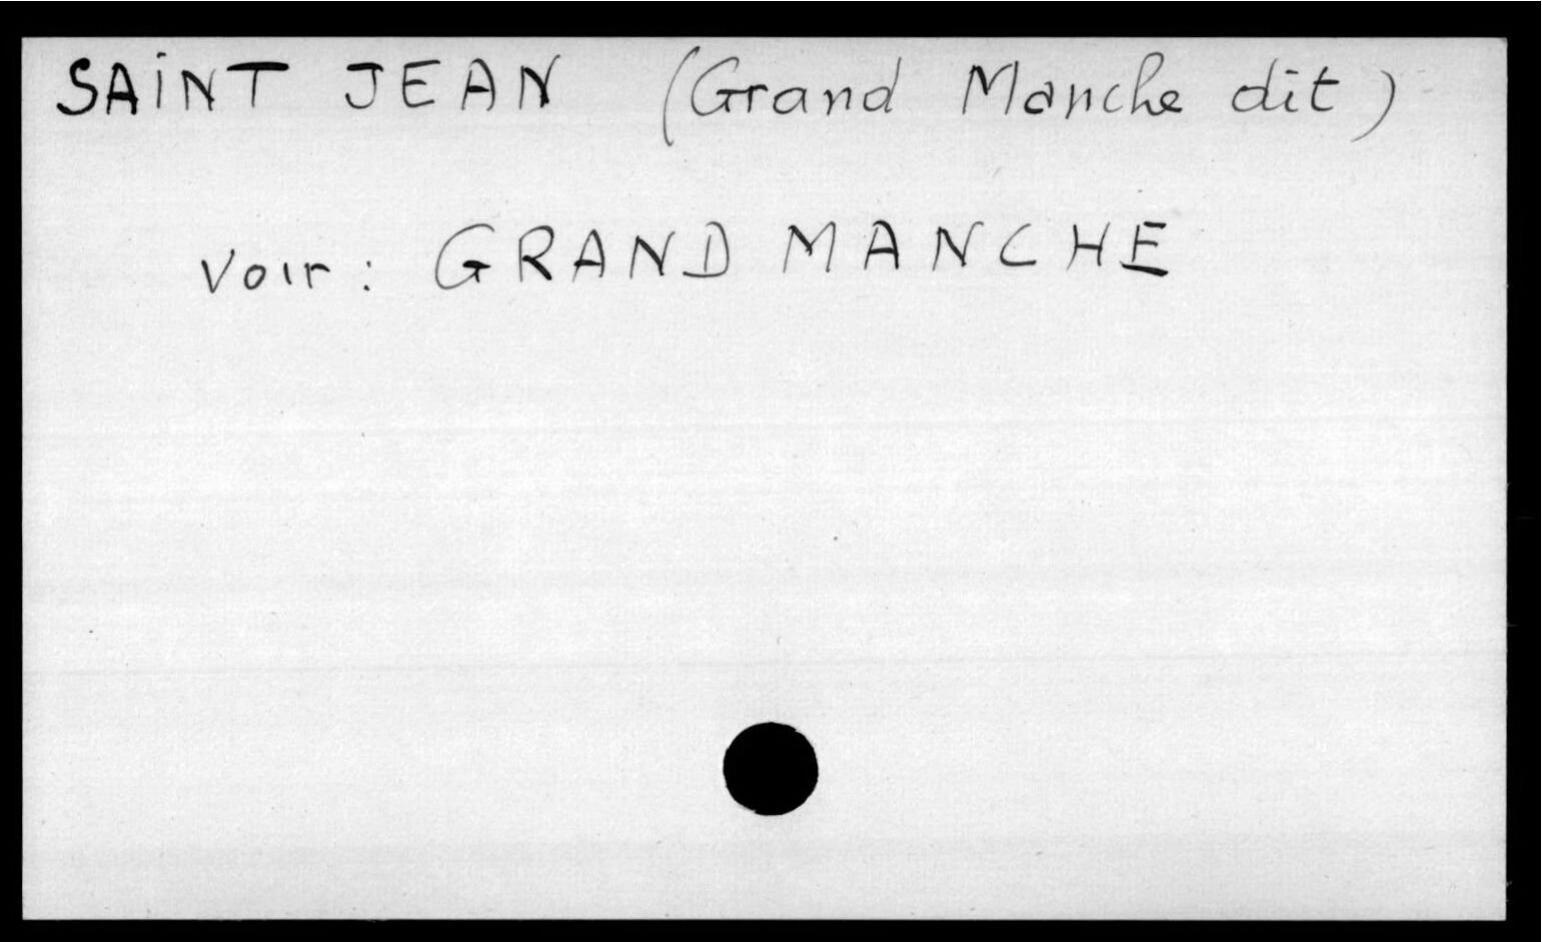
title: SAINT JEAN (Grand Manche dit)
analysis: Voir : GRAND MANCHE
